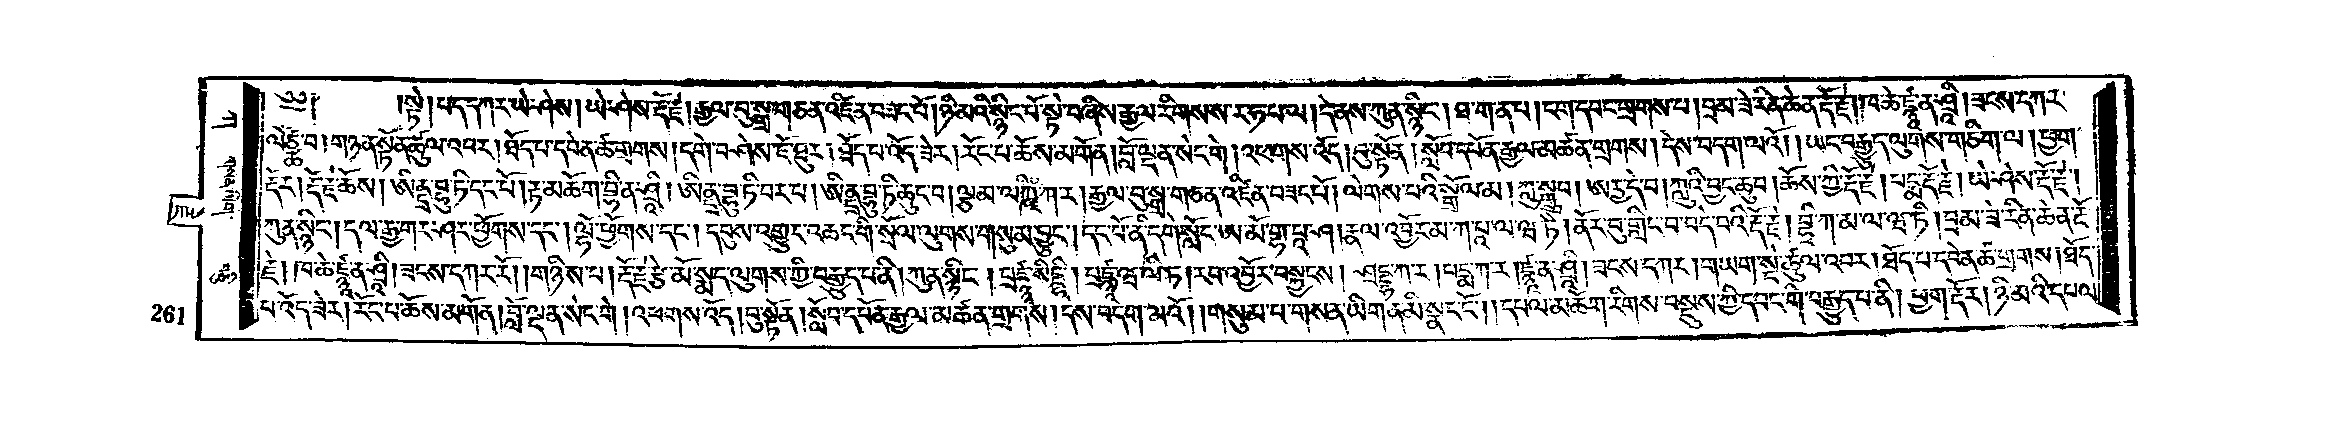༄༅། །སྟེ། པད་དཀར་ཡེ་ཤེས། ཡེ་ཤེས་རྡོ་རྗེ། རྒྱལ་བུ་སྒྲ་གཅན་འཛིན་བཟང་པོ། ཉི་མའི་སྙིང་པོ་སྟེ་བཞིས་རྒྱལ་རིགས་ས་ར་ཧ་པ་ལ། དེ་ནས་ཀུན་སྙིང་། ཐ་ག་ན་པ། ངག་དབང་གྲགས་པ། བྲམ་ཟེ་རིན་ཆེན་རྡོ་རྗེ། ཁ་ཆེ་ཛྙཱ་ན་ཤྲཱི། ཟངས་དཀར་
ལོཙྪ་བ། གཉན་སྟོན་ཚུལ་འབར། ཐོད་པ་དེན་ཚ་གྲགས། དགེ་བཤེས་ཇོ་ཐུར། ཐོད་པ་འོད་ཟེར། རོང་པ་ཆོས་མགོན། བློ་ལྡན་སེང་གེ །འཕགས་འོད། བུ་སྟོན། སློབ་དཔོན་རྒྱལ་མཚན་གྲགས། དེས་བདག་ལའོ། །ཡང་བརྒྱུད་ལུགས་གཅིག་ལ། ཕྱག་
རྡོར། རྡོ་རྗེ་ཆོས། ཨིནྡྲ་བྷུ་ཏི་དང་པོ། རྟ་མཆོག་བྷི་ན་ཤྲཱི། ཨིནྡྲ་བྷུ་ཏི་བར་པ། ཨིནྡྲ་བྷུ་ཏི་ཆུང་བ། ལྕམ་ལ་ཀྵིཾ་ཀ་ར། རྒྱལ་བུ་སྒྲ་གཅན་འཛིན་བཟང་པོ། ལེགས་པའི་སྒྲོལ་མ། ཀླུ་སྒྲུབ། ཨརྱ་དེ་བ། ཀླུའི་བྱང་ཆུབ། ཆོས་ཀྱི་རྡོ་རྗེ། པདམ་རྡོ་རྗེ། ཡེ་ཤེས་རྡོ་རྗེ།
ཀུན་སྙིང་། དལ་རྒྱ་གར་ཤར་ཕྱོགས་དང་། ལྷོ་ཕྱོགས་དང་། དབུས་འགྱུར་འཆང་གི་སྲོལ་ལུགས་གསུམ་བྱུང་། དང་པོ་ནི་དགེ་སློང་ཨ་མོ་གྷ་པཱ་ཤ། རྣལ་འབྱོར་མ་ཀ་པཱ་ལ་ཝ་ཏཻ། ནོར་བུ་གླིང་བ་བདེ་བའི་རྡོ་རྗེ། བྷྲི་ཀ་མ་ལ་ཝ་ཏི། བྲམ་ཟེ་རིན་ཆེན་རྡོ་
རྗེ། ཁ་ཆེ་ཛྙཱ་ན་ཤྲཱི། ཟངས་དཀར་རོ། །གཉིས་པ། རྡོ་རྗེ་རྩེ་མོ་སྨད་ལུགས་ཀྱི་བརྒྱུད་པ་ནི། ཀུན་སྙིང་། པྲཛྙཱ་སིདྡྷི། པྲཛྙཱ་ཝ་ལི་ཏ། རབ་འབྱོར་བསྐྱངས། ཤྲདྡྷ་ཀ་ར། པདམ་ཀ་ར། ཛྙཱ་ན་ཤྲཱི། ཟངས་དཀར། གཡག་སྡེ་ཚུལ་འབར། ཐོད་པ་དབེན་ཚ་གྲགས། ཐོད་
པ་འོད་ཟེར། རོང་པ་ཆོས་མགོན། བློ་ལྡན་སེང་གེ །འཕགས་འོད། བུ་སྟོན། སློབ་དཔོན་རྒྱལ་མཚན་གྲགས། དེས་བདག་མའོ། །གསུམ་པ་གསན་ཡིག་ན་མི་སྣང་ངོ། །དཔལ་མཆོག་རིགས་བསྡུས་ཀྱི་དབང་གི་བརྒྱུད་པ་ནི། ཕྱག་རྡོར། ཉི་མའི་དཔལ་